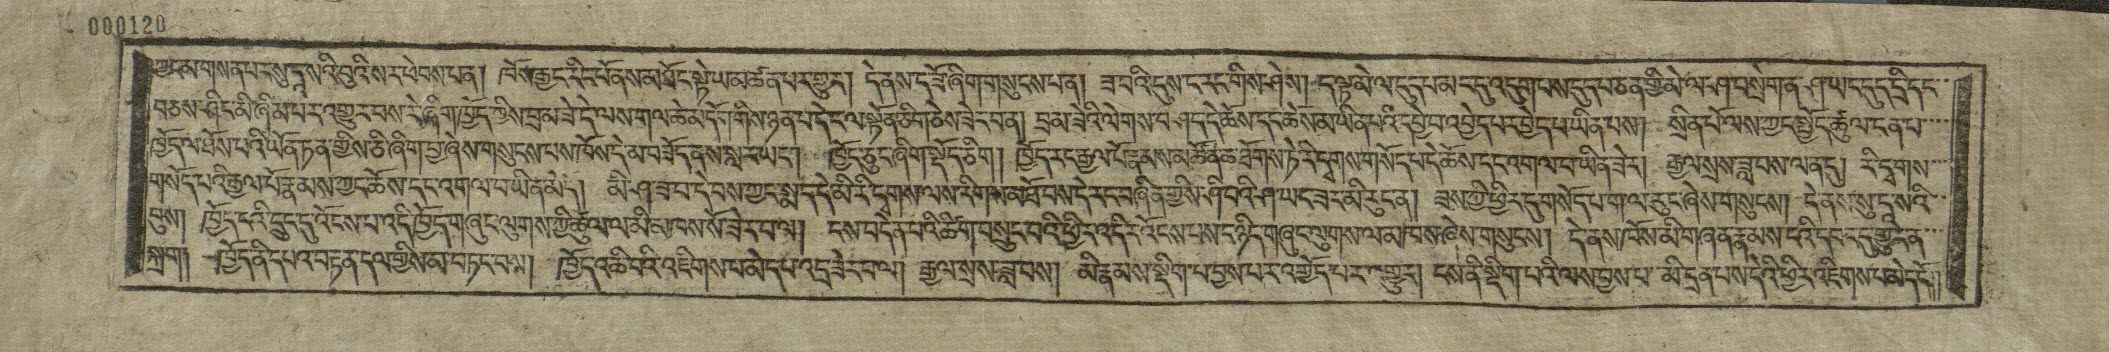ཀྱང་མ་གསན་པར་སུ་དཱ་སའི་བུའི་སར་ཕེབས་པ་ན། ཁོས་རྒྱང་རིང་པོ་ནས་མཐོང་སྟེ་ཡ་མཚན་པར་གྱུར། དེ་ནས་ད་ཟོ་ཞིག་གསུངས་པ་ན། ཟ་བའི་དུས་ང་རང་གིས་ཤེས། ད་ལྟ་མེ་ལ་དུད་པ་མང་དུ་འདུག་པས་དུད་པ་ཅན་གྱི་མེ་ལ་ཤ་བསྲེག་ན་ཤ་ཡང་དུད་དྲི་དང་
བཅས་ཤིང་མི་ཞིམ་པར་འགྱུར་བས་རེ་ཞིག་ཁྱོད་ཀྱིས་བྲམ་ཟེ་དེ་ལས་གལ་ཆེ་མདོག་གིས་ཉན་པ་དེ་ང་ལ་སྟོན་ཅིག་ཅེས་ཟེར་བ་ན། བྲམ་ཟེའི་ལེགས་བཤད་དེ་ཆོས་དང་ཆོས་མ་ཡིན་པའི་དབྱེ་བ་འབྱེད་པར་བྱེད་པ་ཡིན་པས། སྲིན་པོ་ལས་ཀྱང་སྤྱོད་ཚུལ་ངན་པ་
ཁྱོད་ལ་ཐོས་པའི་ཡོན་ཏན་གྱིས་ཅི་ཞིག་བྱ་ཞེས་གསུངས་པས་ཁོས་དེ་མ་བཟོད་ནས་སླར་ཡང་། ཁྱོད་ཅུང་ཞིག་སྡོད་ཅིག །ཁྱོད་རང་རྒྱལ་པོ་རྣམས་མཚོན་ཆ་ཐོགས་ཏེ་རི་དྭགས་གསོད་པ་དེ་ཆོས་དང་འགལ་བ་ཡིན་ཟེར། རྒྱལ་སྲས་ཟླ་བས་ལན་དུ། རི་དྭགས་
གསོད་པའི་རྒྱལ་པོ་རྣམས་ཀྱང་ཆོས་དང་འགལ་བ་ཡིན་མོད། མི་ཤ་ཟ་བ་དེ་བས་ཀྱང་སྨད་དེ་མི་རི་དྭགས་ལས་རིགས་མཐོ་བས་དེ་རང་བཞིན་གྱིས་ཤི་བའི་ཤ་ཡང་ཟར་མི་རུང་ན། ཟས་ཀྱི་ཕྱིར་དུ་གསོད་པ་ག་ལ་རུང་ཞེས་གསུངས། དེ་ནས་སུ་དཱ་སའི་
བུས། ཁྱོད་ངའི་དྲུང་དུ་འོངས་པ་འདི་ཁྱོད་གཞུང་ལུགས་ཀྱི་ཚུལ་ལ་མི་མཁས་སོ་ཟེར་བ་ལ། ངས་བདེན་པའི་ཚིག་བསྲུང་བའི་ཕྱིར་འདིར་འོངས་པས་ང་ཉིད་གཞུང་ལུགས་ལ་མཁས་ཞེས་གསུངས། དེ་ནས་ཁོས་མི་གཞན་རྣམས་ངའི་དབང་དུ་གྱུར་ན་
སྐྲག །ཁྱོད་ནི་དཔའ་བརྟན་དལ་གྱིས་མ་བཏང་བས། ཁྱོད་འཆི་བའི་འཇིགས་པ་མེད་པ་འདྲ་ཟེར་བ་ལ། རྒྱལ་སྲས་ཟླ་བས། མི་རྣམས་སྡིག་པ་བྱས་པར་འགྱོད་པར་འགྱུར། ངས་ནི་སྡིག་པའི་ལས་བྱས་པ་མི་དྲན་པས་དེའི་ཕྱིར་འཇིགས་པ་མེད་དོ། །